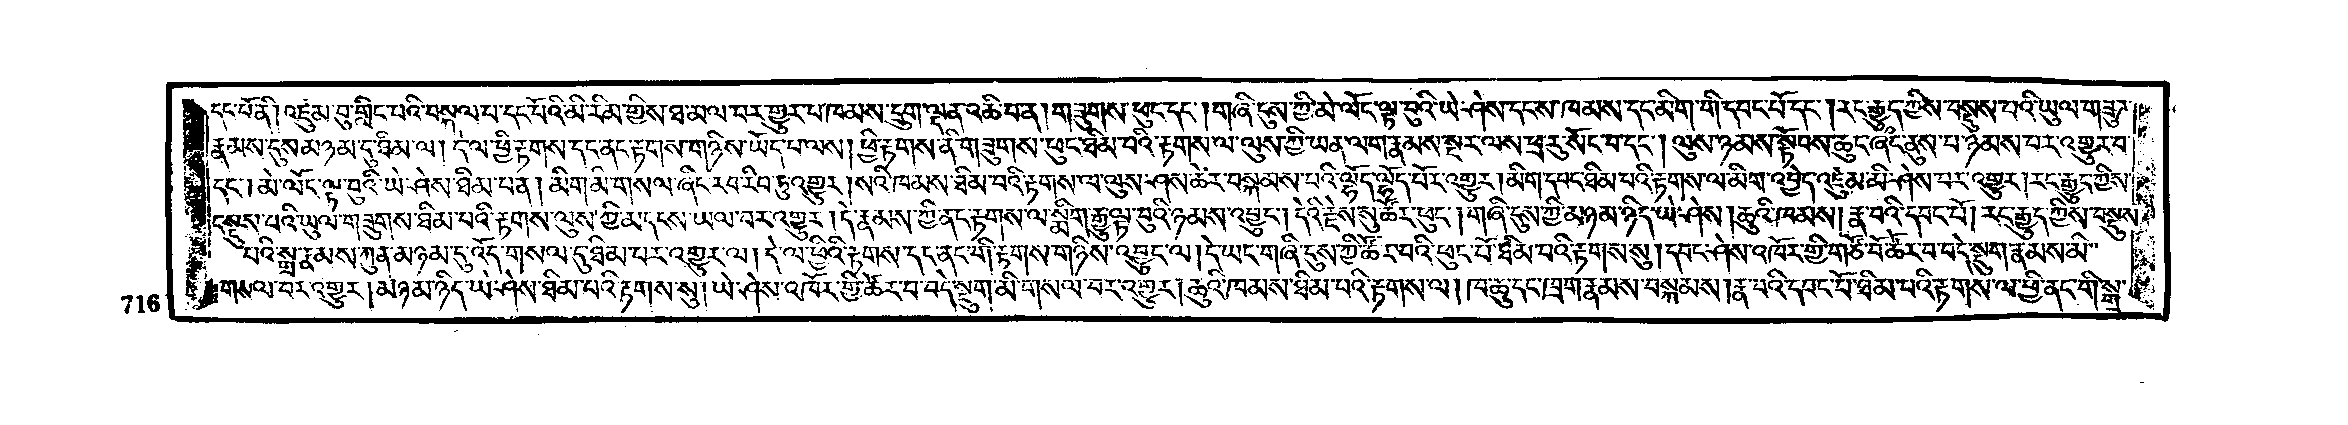དང་པོ་ནི། འཛུམ་བུ་གླིང་པའི་བསྐལ་པ་དང་པོའི་མི་རིམ་གྱིས་ཐ་མལ་པར་གྱུར་པ་ཁམས་དྲུག་ལྡན་འཆི་བ་ན། གཟུགས་ཕུང་དང་། གཞི་དུས་ཀྱི་མེ་ལོང་ལྟ་བུའི་ཡེ་ཤེས་དང་ས་ཁམས་དང་མིག་གི་དབང་པོ་དང་། རང་རྒྱུད་ཀྱིས་བསྡུས་པའི་ཡུལ་གཟུགས་
རྣམས་དུས་མཉམ་དུ་ཐིམ་ལ། དེ་ལ་ཕྱི་རྟགས་དང་ནང་རྟགས་གཉིས་ཡོད་པ་ལས། ཕྱི་རྟགས་ནི་གཟུགས་ཕུང་ཐིམ་པའི་རྟགས་ལ་ལུས་ཀྱི་ཡན་ལག་རྣམས་སྔར་ལས་ཕྲ་རུ་སོང་བ་དང་། ལུས་ཉམས་སྟོབས་ཆུང་ཞིང་ནུས་པ་ཉམས་པར་འགྱུར་བ་
དང་། མེ་ལོང་ལྟ་བུའི་ཡེ་ཤེས་ཐིམ་པ་ན། མིག་མི་གསལ་ཞིང་རབ་རིབ་ཏུ་འགྱུར། སའི་ཁམས་ཐིམ་པའི་རྟགས་ལ་ལུས་ཤས་ཆེར་བསྐམས་པའི་ལྷོད་ལྷོད་པོར་འགྱུར། མིག་དབང་ཐིམ་པའི་རྟགས་ལ་མིག་འབྱེད་འཛུམ་མི་ཤེས་པར་འགྱུར། རང་རྒྱུད་ཀྱིས་
བསྡུས་པའི་ཡུལ་གཟུགས་ཐིམ་པའི་རྟགས་ལུས་ཀྱི་མདངས་ཡལ་བར་འགྱུར། དེ་རྣམས་ཀྱི་ནང་རྟགས་ལ་སྨིག་རྒྱུ་ལྟ་བུའི་ཉམས་འབྱུང་། དེའི་རྗེས་སུ་ཚོར་ཕུང་། གཞི་དུས་ཀྱི་མཉམ་ཉིད་ཡེ་ཤེས། ཆུའི་ཁམས། རྣ་བའི་དབང་པོ། རང་རྒྱུད་ཀྱིས་བསྡུས་
པའི་སྒྲ་རྣམས་ཀུན་མཉམ་དུ་འོད་གསལ་དུ་ཐིམ་པར་འགྱུར་ལ། དེ་ལ་ཕྱིའི་རྟགས་དང་ནང་གི་རྟགས་གཉིས་འབྱུང་ལ། དེ་ཡང་གཞི་དུས་ཀྱི་ཚོར་བའི་ཕུང་པོ་ཐིམ་པའི་རྟགས་སུ། དབང་ཤེས་འཁོར་གྱི་གཙོ་བོ་ཚོར་བ་བདེ་སྡུག་རྣམས་མི་
གསལ་བར་འགྱུར། མཉམ་ཉིད་ཡེ་ཤེས་ཐིམ་པའི་རྟགས་སུ། ཡེ་ཤེས་འཁོར་གྱི་ཚོར་བ་བདེ་སྡུག་མི་གསལ་བར་འགྱུར། ཆུའི་ཁམས་ཐིམ་པའི་རྟགས་ལ། ཁ་ཆུ་དང་ཁྲག་རྣམས་བསྐམས། རྣ་བའི་དབང་པོ་ཐིམ་པའི་རྟགས་ལ་ཕྱི་ནང་གི་སྒྲ་